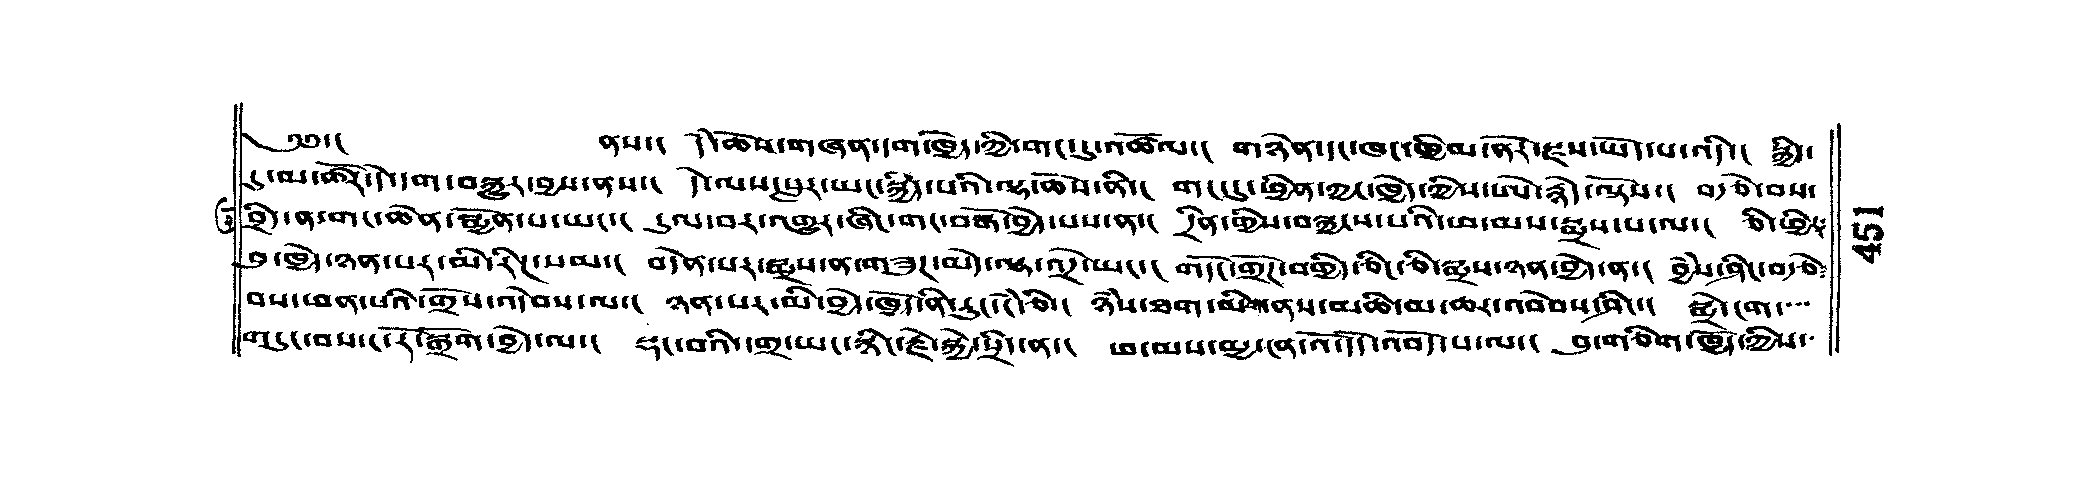ནས། །དམ་ཆོས་གཞན་དག་ཁྱོད་ཀྱི་གང་དུ་འཚོལ། །གཉེན་དང་ཁང་ཁྱིམ་ནོར་རྫས་ཡོད་པ་འདི། སྐྱིད་
དུ་མ་ཚོར་དེ་དག་བསྐྱུར་བྱས་ནས། །དེ་ལས་སླར་ཡང་སྐྱིད་པའི་ལྷ་ཆོས་ནི། །གང་དུ་ཕྱིན་ཀྱང་ཁྱེད་ཀྱི་ཨེ་རྙེད་ལྟོས། །བརྩེ་བས་
སྦྲིད་ན་གླང་ཆེན་སྨྱོན་པ་ཡང་། །དུལ་བར་འགྱུར་ཞིང་གང་བསྐོས་བྱེད་པས་ན། །དྲིན་གྱིས་བསྐྱངས་པའི་ཕ་མས་སྨྲས་པ་ལ། །ཅི་ཕྱིར་
བུ་ཁྱོད་ཉན་པར་མི་རིགས་སམ། །བདེན་པར་སྨྲས་ན་གཟུགས་མེད་ལྷ་འདྲེ་ཡང་། །གདོང་གྲོགས་བགྱིད་ཅིང་ཅི་སྨྲས་ཉན་བྱེད་ན། །བྱམས་ཤིང་བརྩེ་
བས་ཕན་པའི་གྲོས་འདེབས་ལ། །ཉན་པར་མི་བྱེད་ཁྱོད་ནི་རུང་ངམ་ཅི། །ཉམས་ཐག་མིག་ནས་མཆི་མ་ཆར་འབེབས་ཤིང་། །སྨྲེ་ངག་
གདུང་བས་ང་རོ་སྒྲོག་བྱེད་ལ། །སྡང་བའི་དགྲ་ཡང་སྙིང་རྗེ་སྐྱེ་སྲིད་ན། །ཕ་མས་མྱ་ངན་འོ་དོད་འབོད་པ་ལ། བུ་གཅིག་ཁྱོད་ཀྱིས་